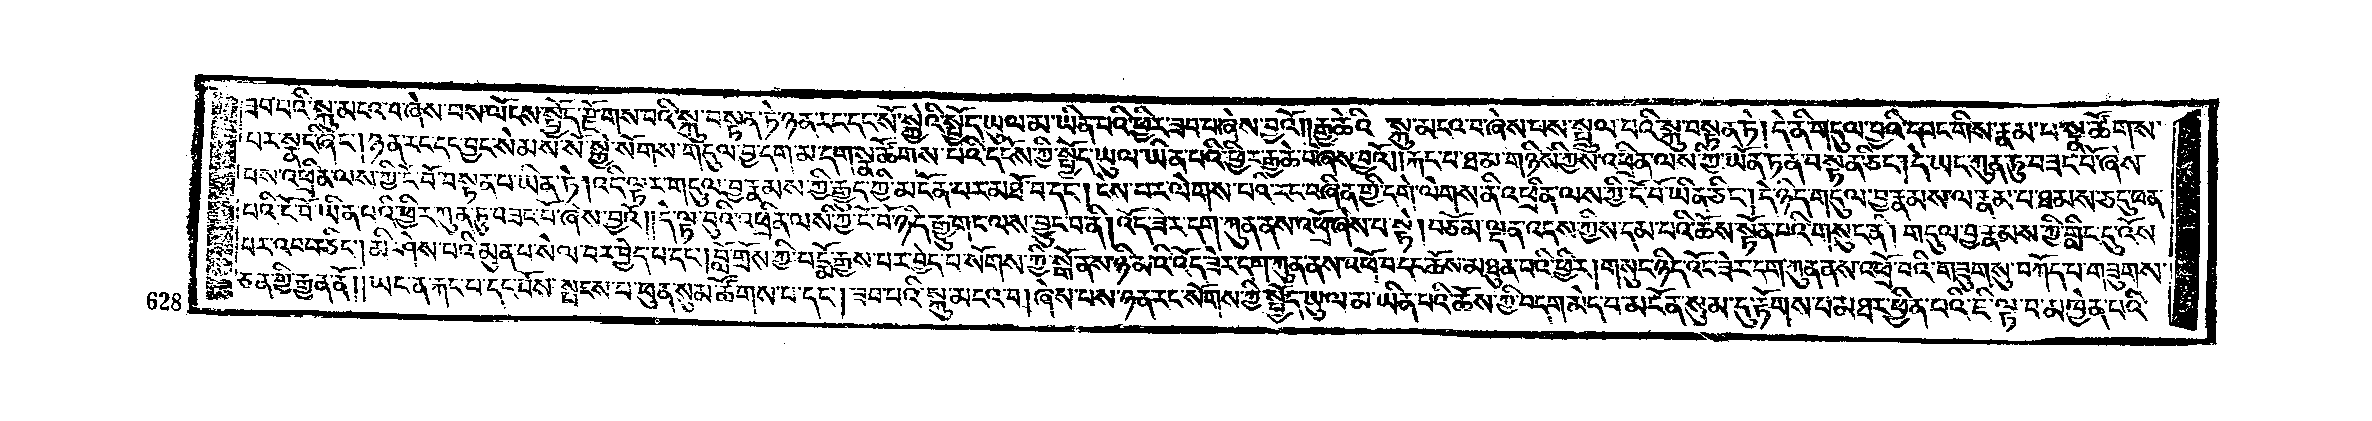ཟབ་པའི་སྐུ་མངའ་བ་ཞེས་པས་ལོངས་སྤྱོད་རྫོགས་པའི་སྐུ་བསྟན་ཏེ་ཉན་རང་དང་སོ་སྐྱེའི་སྤྱོད་ཡུལ་མ་ཡིན་པའི་ཕྱིར་ཟབ་པ་ཞེས་བྱའོ། །རྒྱ་ཆེའི་སྐུ་མངའ་བ་ཞེས་པས་སྤྲུལ་པའི་སྐུ་བསྟན་ཏེ། དེ་ནི་གདུལ་བྱའི་དབང་གིས་རྣམ་པ་སྣ་ཚོགས་
པར་སྣང་ཞིང་། ཉན་རང་དང་བྱང་སེམས་སོ་སོ་སྐྱེ་སོགས་གདུལ་བྱ་དག་མ་དག་སྣ་ཚོགས་པའི་དངོས་ཀྱི་སྤྱོད་ཡུལ་ཡིན་པའི་ཕྱིར་རྒྱ་ཆེ་བ་ཞེས་བྱའོ། །རྐང་པ་ཐ་མ་གཉིས་ཀྱིས་འཕྲིན་ལས་ཀྱི་ཡོན་ཏན་བསྟན་ཅིང་། དེ་ཡང་ཀུན་ཏུ་བཟང་པོ་ཞེས་
པས་འཕྲིན་ལས་ཀྱི་ངོ་བོ་བསྟན་པ་ཡིན་ཏེ། འདི་ལྟར་གདུལ་བྱ་རྣམས་ཀྱི་རྒྱུད་ཀྱི་མངོན་པར་མཐོ་བ་དང་། ངེས་པར་ལེགས་པའི་རང་བཞིན་གྱི་དགེ་ལེགས་ནི་འཕྲིན་ལས་ཀྱི་ངོ་བོ་ཡིན་ཅིང་། དེ་ཉིད་གདུལ་བྱ་རྣམས་ལ་རྣམ་པ་ཐམས་ཅད་དུ་ཕན་
པའི་ངོ་བོ་ཡིན་པའི་ཕྱིར་ཀུན་ཏུ་བཟང་པོ་ཞེས་བྱའོ། །དེ་ལྟ་བུའི་འཕྲིན་ལས་ཀྱི་ངོ་བོ་ཉིད་རྒྱུ་གང་ལས་བྱུང་བ་ནི། འོད་ཟེར་དག་ཀུན་ནས་འཕྲོ་ཞེས་པ་སྟེ། བཅོམ་ལྡན་འདས་ཀྱིས་དམ་པའི་ཆོས་སྟོན་པའི་གསུང་ནི། གདུལ་བྱ་རྣམས་ཀྱི་གླིང་དུ་འོས་
པར་འབབ་ཅིང་། མི་ཤེས་པའི་མུན་པ་སེལ་བར་བྱེད་པ་དང་། བློ་གྲོས་ཀྱི་པདམོ་རྒྱས་པར་བྱེད་པ་སོགས་ཀྱི་སྒོ་ནས་ཉི་མའི་འོད་ཟེར་དག་ཀུན་ནས་འཕྲོ་བ་དང་ཆོས་མཐུན་པའི་ཕྱིར། གསུང་ཉིད་འོད་ཟེར་དག་ཀུན་ནས་འཕྲོ་བའི་གཟུགས་སུ་བཀོད་པ་གཟུགས་
ཅན་གྱི་རྒྱན་ནོ། །ཡང་ན་རྐང་པ་དང་པོས་སྤངས་པ་ཕུན་སུམ་ཚོགས་པ་དང་། ཟབ་པའི་སྐུ་མངའ་བ། ཞེས་པས་ཉན་རང་སོགས་ཀྱི་སྤྱོད་ཡུལ་མ་ཡིན་པའི་ཆོས་ཀྱི་བདག་མེད་པ་མངོན་སུམ་དུ་རྟོགས་པ་མཐར་ཕྱིན་པའི་ཇི་ལྟ་བ་མཁྱེན་པའི་